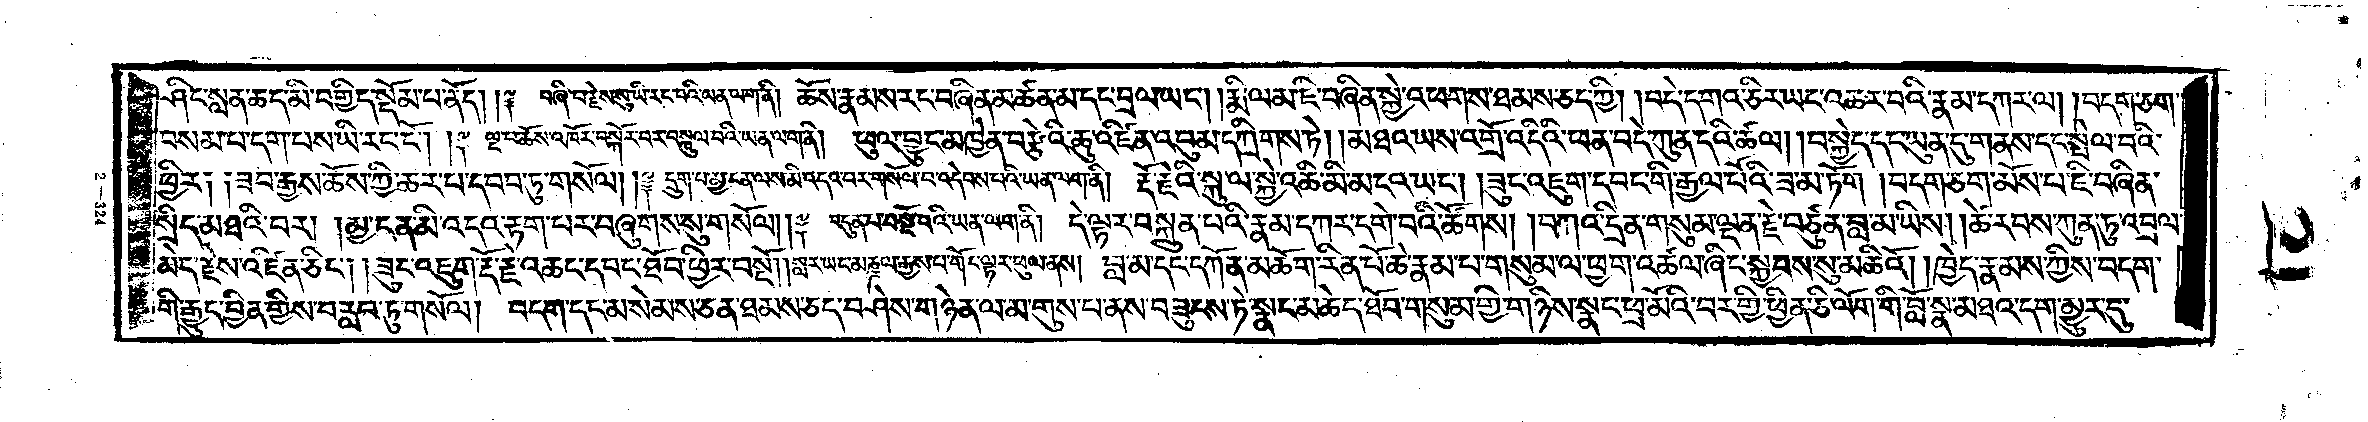ཤིང་སླན་ཆད་མི་བགྱིད་སྡོམ་པ་ནོད། །༈ བཞི་པ་རྗེས་སུ་ཡི་རང་བའི་ལན་ལག་ནི།  ཆོས་རྣམས་རང་བཞིན་མཚན་མ་དང་བྲལ་ཡང་། །རྨི་ལམ་ཇི་བཞིན་སྐྱེ་འཕགས་ཐམས་ཅད་ཀྱི། །བདེ་དགའ་ཅིར་ཡང་འཆར་བའི་རྣམ་དཀར་ལ། །བདག་ཅག་
བསམ་པ་དག་པས་ཡི་རང་ངོ། །  ༈ལྔ་པ་ཆོས་འཁོར་བསྐོར་བར་བསྐུལ་བའི་ཡན་ལག་ནི།  ཕུལ་བྱུང་མཁྱེན་བརྩེའི་ཆུ་འཛིན་འབུམ་དཀྲིགས་ཏེ། །མཐའ་ཡས་འགྲོ་འདིའི་ཕན་བདེ་ཀུན་དའི་ཚལ། །བསྐྱེད་དང་ཡུན་དུ་གནས་དང་སྤེལ་བའི་
ཕྱིར༑ ༑ཟབ་རྒྱས་ཆོས་ཀྱི་ཆར་པ་དབབ་ཏུ་གསོལ། །༈ དྲུག་པ་མྱ་ངན་ལས་མི་འདའ་བར་གསོལ་བ་འདེབས་པའི་ཡན་ལག་ནི།  རྡོ་རྗེའི་སྐུ་ལ་སྐྱེ་འཆི་མི་མངའ་ཡང་། །ཟུང་འཇུག་དབང་གི་རྒྱལ་པོའི་ཟ་མ་ཏོག །བདག་ཅག་མོས་པ་ཇི་བཞིན་
སྲིད་མཐའི་བར། །མྱ་ངན་མི་འདའ་རྟག་པར་བཞུགས་སུ་གསོལ། ། ༈ བདུན་པ་བསྔོ་བའི་ཡན་ལག་ནི།  དེ་ལྟར་བསྐྲུན་པའི་རྣམ་དཀར་དགེ་བའི་ཚོགས། །བཀའ་དྲིན་གསུམ་ལྡན་རྗེ་བཙུན་བླ་མ་ཡིས། །ཚེ་རབས་ཀུན་ཏུ་འབྲལ་
མེད་རྗེས་འཛིན་ཅིང་། །ཟུང་འཇུག་རྡོ་རྗེ་འཆང་དབང་ཐོབ་ཕྱིར་བསྔོ། །སླར་ཡང་མཎྜལ་རྒྱས་པ་གོང་ལྟར་ཕུལ་ནས།  བླ་མ་དང་དཀོན་མཆོག་རིན་པོ་ཆེ་རྣམ་པ་གསུམ་ལ་ཕྱག་འཚལ་ཞིང་སྐྱབས་སུ་མཆིའོ། །ཁྱེད་རྣམས་ཀྱིས་བདག་
གི་རྒྱུད་བྱིན་གྱིས་བརླབ་ཏུ་གསོལ། བདག་དང་མ་སེམས་ཅན་ཐམས་ཅད་བཤེས་གཉེན་ལ་མ་གུས་པ་ནས་བཟུངས་ཏེ་སྣང་མཆེད་ཐོབ་གསུམ་གྱི་གཉིས་སྣང་ཕྲ་མོའི་བར་གྱི་ཕྱིན་ཅི་ལོག་གི་བློ་སྣ་མཐའ་དག་མྱུར་དུ་